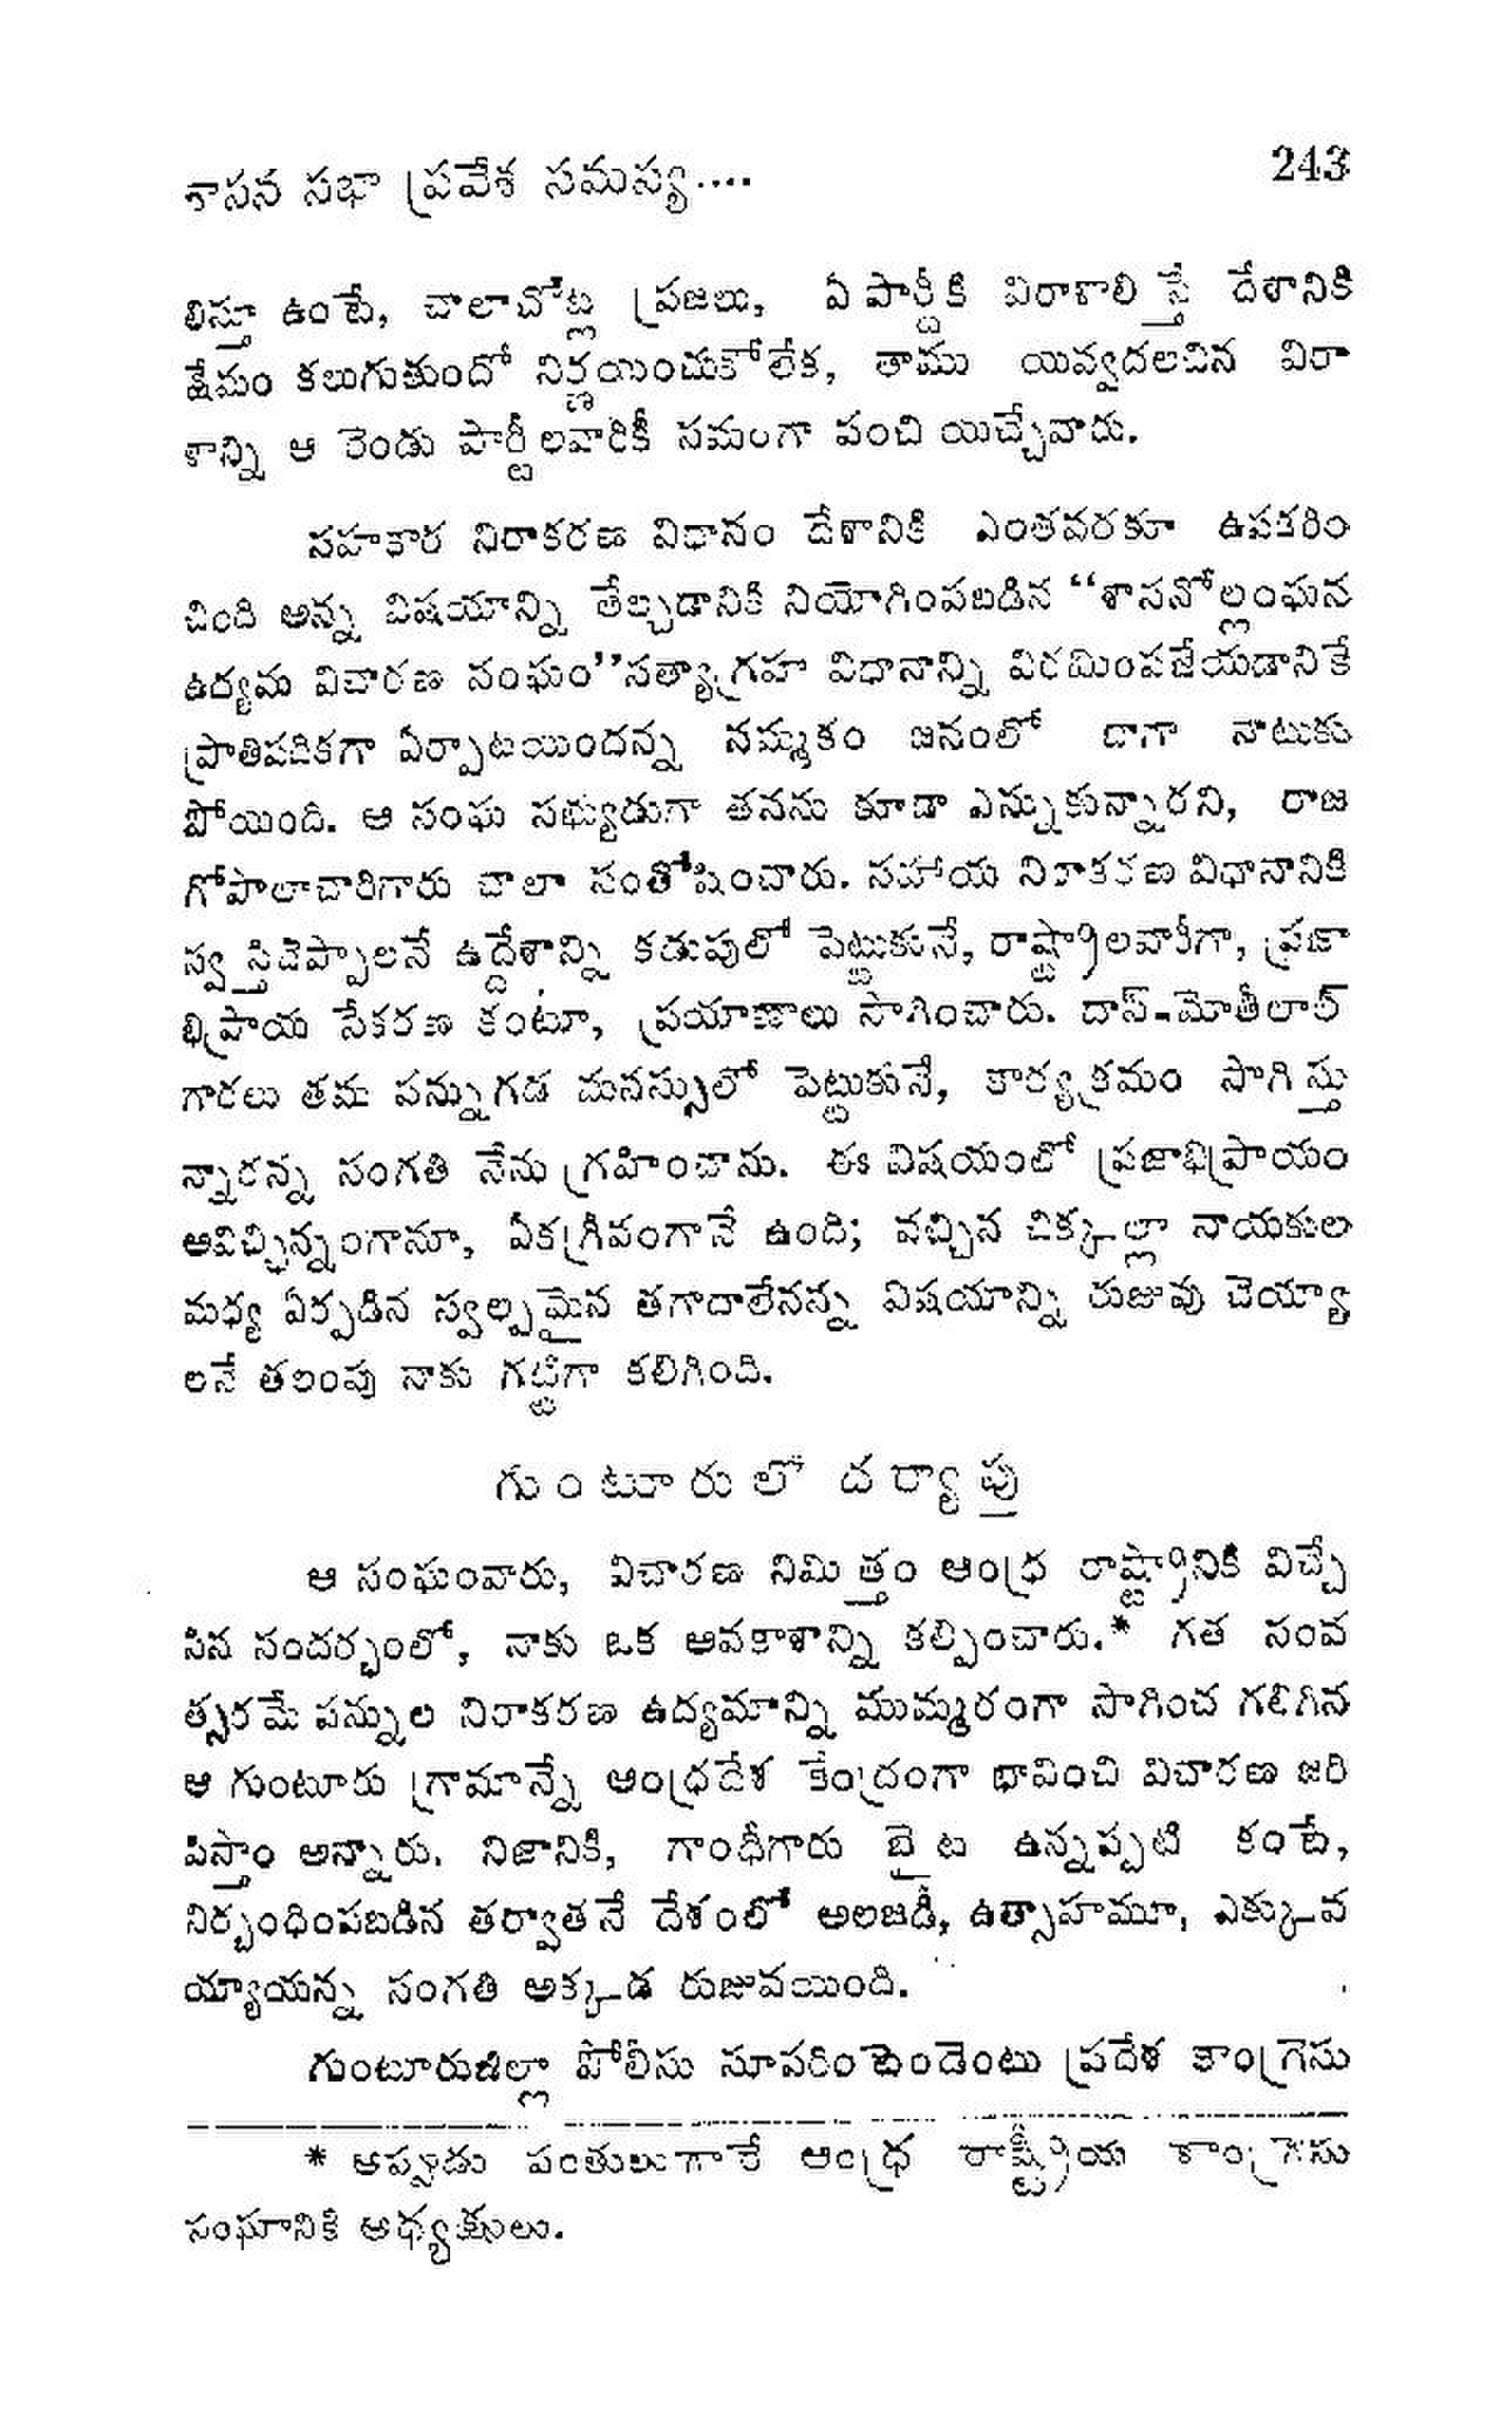లిస్తూ ఉంటే, చాలాచోట్ల ప్రజలు, ఏ పార్టీకి విరాళలిస్తే దేశానికి క్షేమం కలుగుతుందో నిర్ణయించుకోలేక, తాము యివ్వదలచిన విరాళాన్ని ఆ రెండు పార్టీలవారికీ సమంగా పంచి యిచ్చేవారు.

సహకార నిరాకరణ విధానం దేశానికి ఎంతవరకూ ఉపకరించింది అన్న విషయాన్ని తేల్చడానికి నియోగింపబడిన "శాసనోల్లంఘన ఉధ్యమ విచారణ సంఘం" సత్యాగ్రహ విధానాన్ని విరమింపజేయడానికే ప్రాతిపదికగా ఏర్పాటయిందన్న నమ్మకం జనంలో బాగా నాటుకు పోయింది. ఆ సంఘ సభ్యుడుగా తనను కూడా ఎన్నుకున్నారని, రాజగోపాలాచారిగారు చాలా సంతోషించారు. సహాయ నిరాకరణ విధానానికి స్వస్తిచెప్పాలనే ఉద్దేశాన్ని కడుపులో పెట్టుకునే, రాష్ట్రాలవారిగా, ప్రజాభిప్రాయ సేకరణ కంటూ, ప్రయాణాలు సాగించారు. దాస్-మోతిలాల్ గారలు తమ పన్నుగడ మనస్సులో పెట్టుకునే, కార్యక్రమం సాగిస్తున్నారన్న సంగతి నేను గ్రహించాను. ఈ విషయంలో ప్రజాభిప్రాయం అవిచ్ఛిన్నంగానూ, ఏకగ్రీవంగానే ఉంది; వచ్చిన చిక్కల్లా నాయకుల మధ్య ఏర్పడిన స్వల్పమైన తగాదాలేనన్న విషయాన్ని రుజువు చెయ్యాలనే తలంపు నాకు గట్టిగా కలిగింది.

ఆ సంఘంవారు, విచారణ నిమిత్తం ఆంధ్ర రాష్ట్రానికి విచ్చేసిన సందర్భంలో, నాకు ఒక అవకాశాన్ని కల్పించారు. గత సంవత్సరమే పన్నుల నిరాకరణ ఉధ్యమాన్ని ముమ్మరంగా సాగించ గలిగిన ఆ గుంటూరు గ్రామాన్నే ఆంధ్రదేశ కేంద్రంగా భావించి విచారణ జరిపిస్తాం అన్నారు. నిజానికి, గాంధీగారు బైట ఉన్నప్పటి కంటే, నిర్భంధింపబడిన తర్వాతనే దేశంలో అలజడీ, ఉత్సాహమూ, ఎక్కువయ్యాయన్న సంగతి అక్కడ రుజువయింది.

గుంటూరుజిల్లా పోలీసు సూపరింటెండెంటు ప్రదేశ కాంగ్రెసు